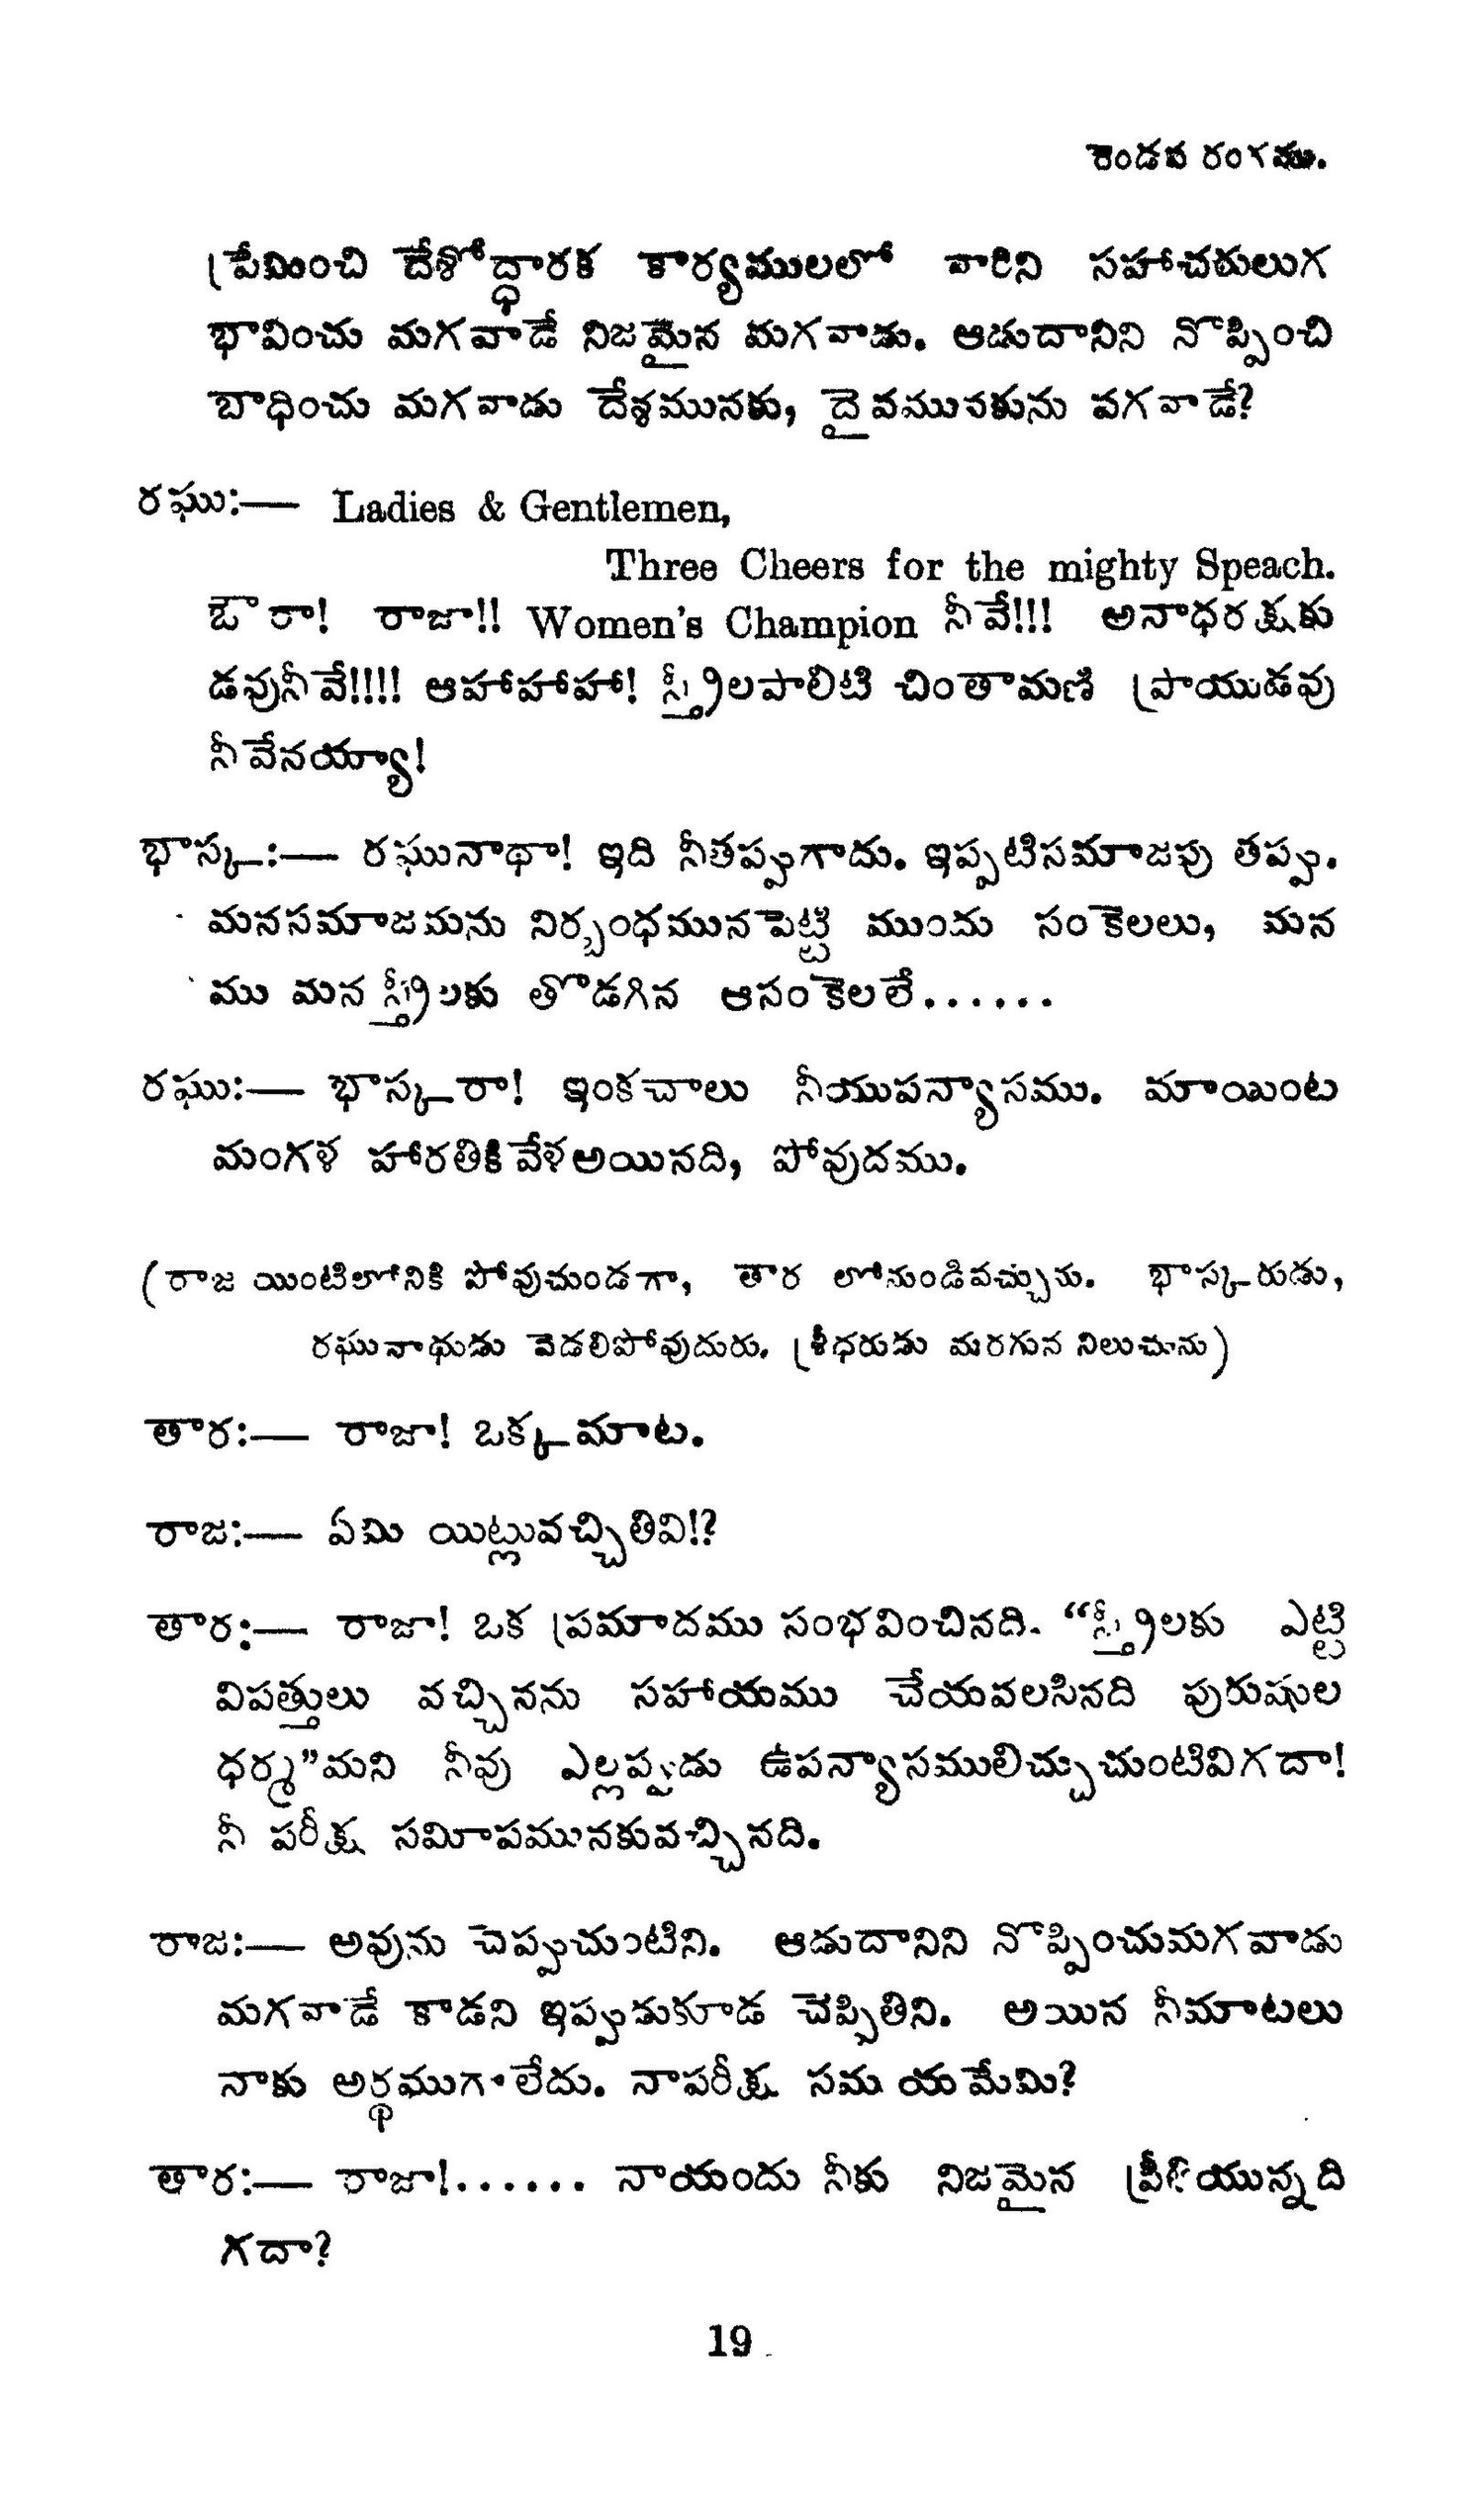ప్రేమించి దేశోద్ధారక కార్యములలో వారిని సహాచరులుగ
భావించు మగవాడే నిజమైన మగవాడు. ఆడుదానిని నొప్పించి
బాధించు మగవాడు దేశమునకు, దైవమునకును పగవాడే?
రఘు:- Ladies & Gentlemen,
Three Cheers for the mighty Speach.

ఔరా! రాజా!! Women's Champion నీవే!!! అనాధరక్షకు
డవునీవే!!!! ఆహాహాహా! స్త్రీల పాలిటి చింతామణి ప్రాయుడవు
నీ వేనయ్యా!

భాస్క:- రఘునాథా! ఇది నీతప్పుగాదు. ఇప్పటి సమాజపు తప్పు.
మన సమాజమను నిర్బంధమున పెట్టి ముందు సంకెలలు, మన
ము మన స్త్రీలకు తొడగిన ఆసం కెలలే......

రఘు:- భాస్కరా! ఇంక చాలు నీయుపన్యాసము. మాయింట
మంగళ హారతికి వేళ అయినది, పోవుదము.

(రాజ యింటిలోనికి పోవు చుండగా, తార లోనుండి వచ్చును. భాస్కరుడు,
రఘు నాధుడు వెడలిపోవుదురు. శ్రీధరుడు మరగున నిలుచును)

తార:- రాజా! ఒక్కమాట.
రాజ; — ఏమి యిట్లువచ్చితివి!?

తార:- రాజా! ఒక ప్రమాదము సంభవించినది. "స్త్రీలకు ఎట్టి
విపత్తులు వచ్చినను సహాయము చేయవలసినది పురుషుల
ధర్మ"మని నీవు ఎల్లప్పుడు ఉపన్యాసములిచ్చు చుంటివిగదా!
నీ పరీక్ష సమీపమునకువచ్చినది.

రాజ:-అవును చెప్పుచుంటిని. ఆడుదానిని నొప్పించు మగవాడు
మగవాడే కాడని ఇప్పుడుకూడ చెప్పితిని. అయిన నీమాటలు
నాకు అర్థముగా లేదు. నాపరీక్ష సమయమేమి?

తార:- రాజా!...... నాయందు నీకు నిజమైన ప్రీకి యున్నది
గదా?